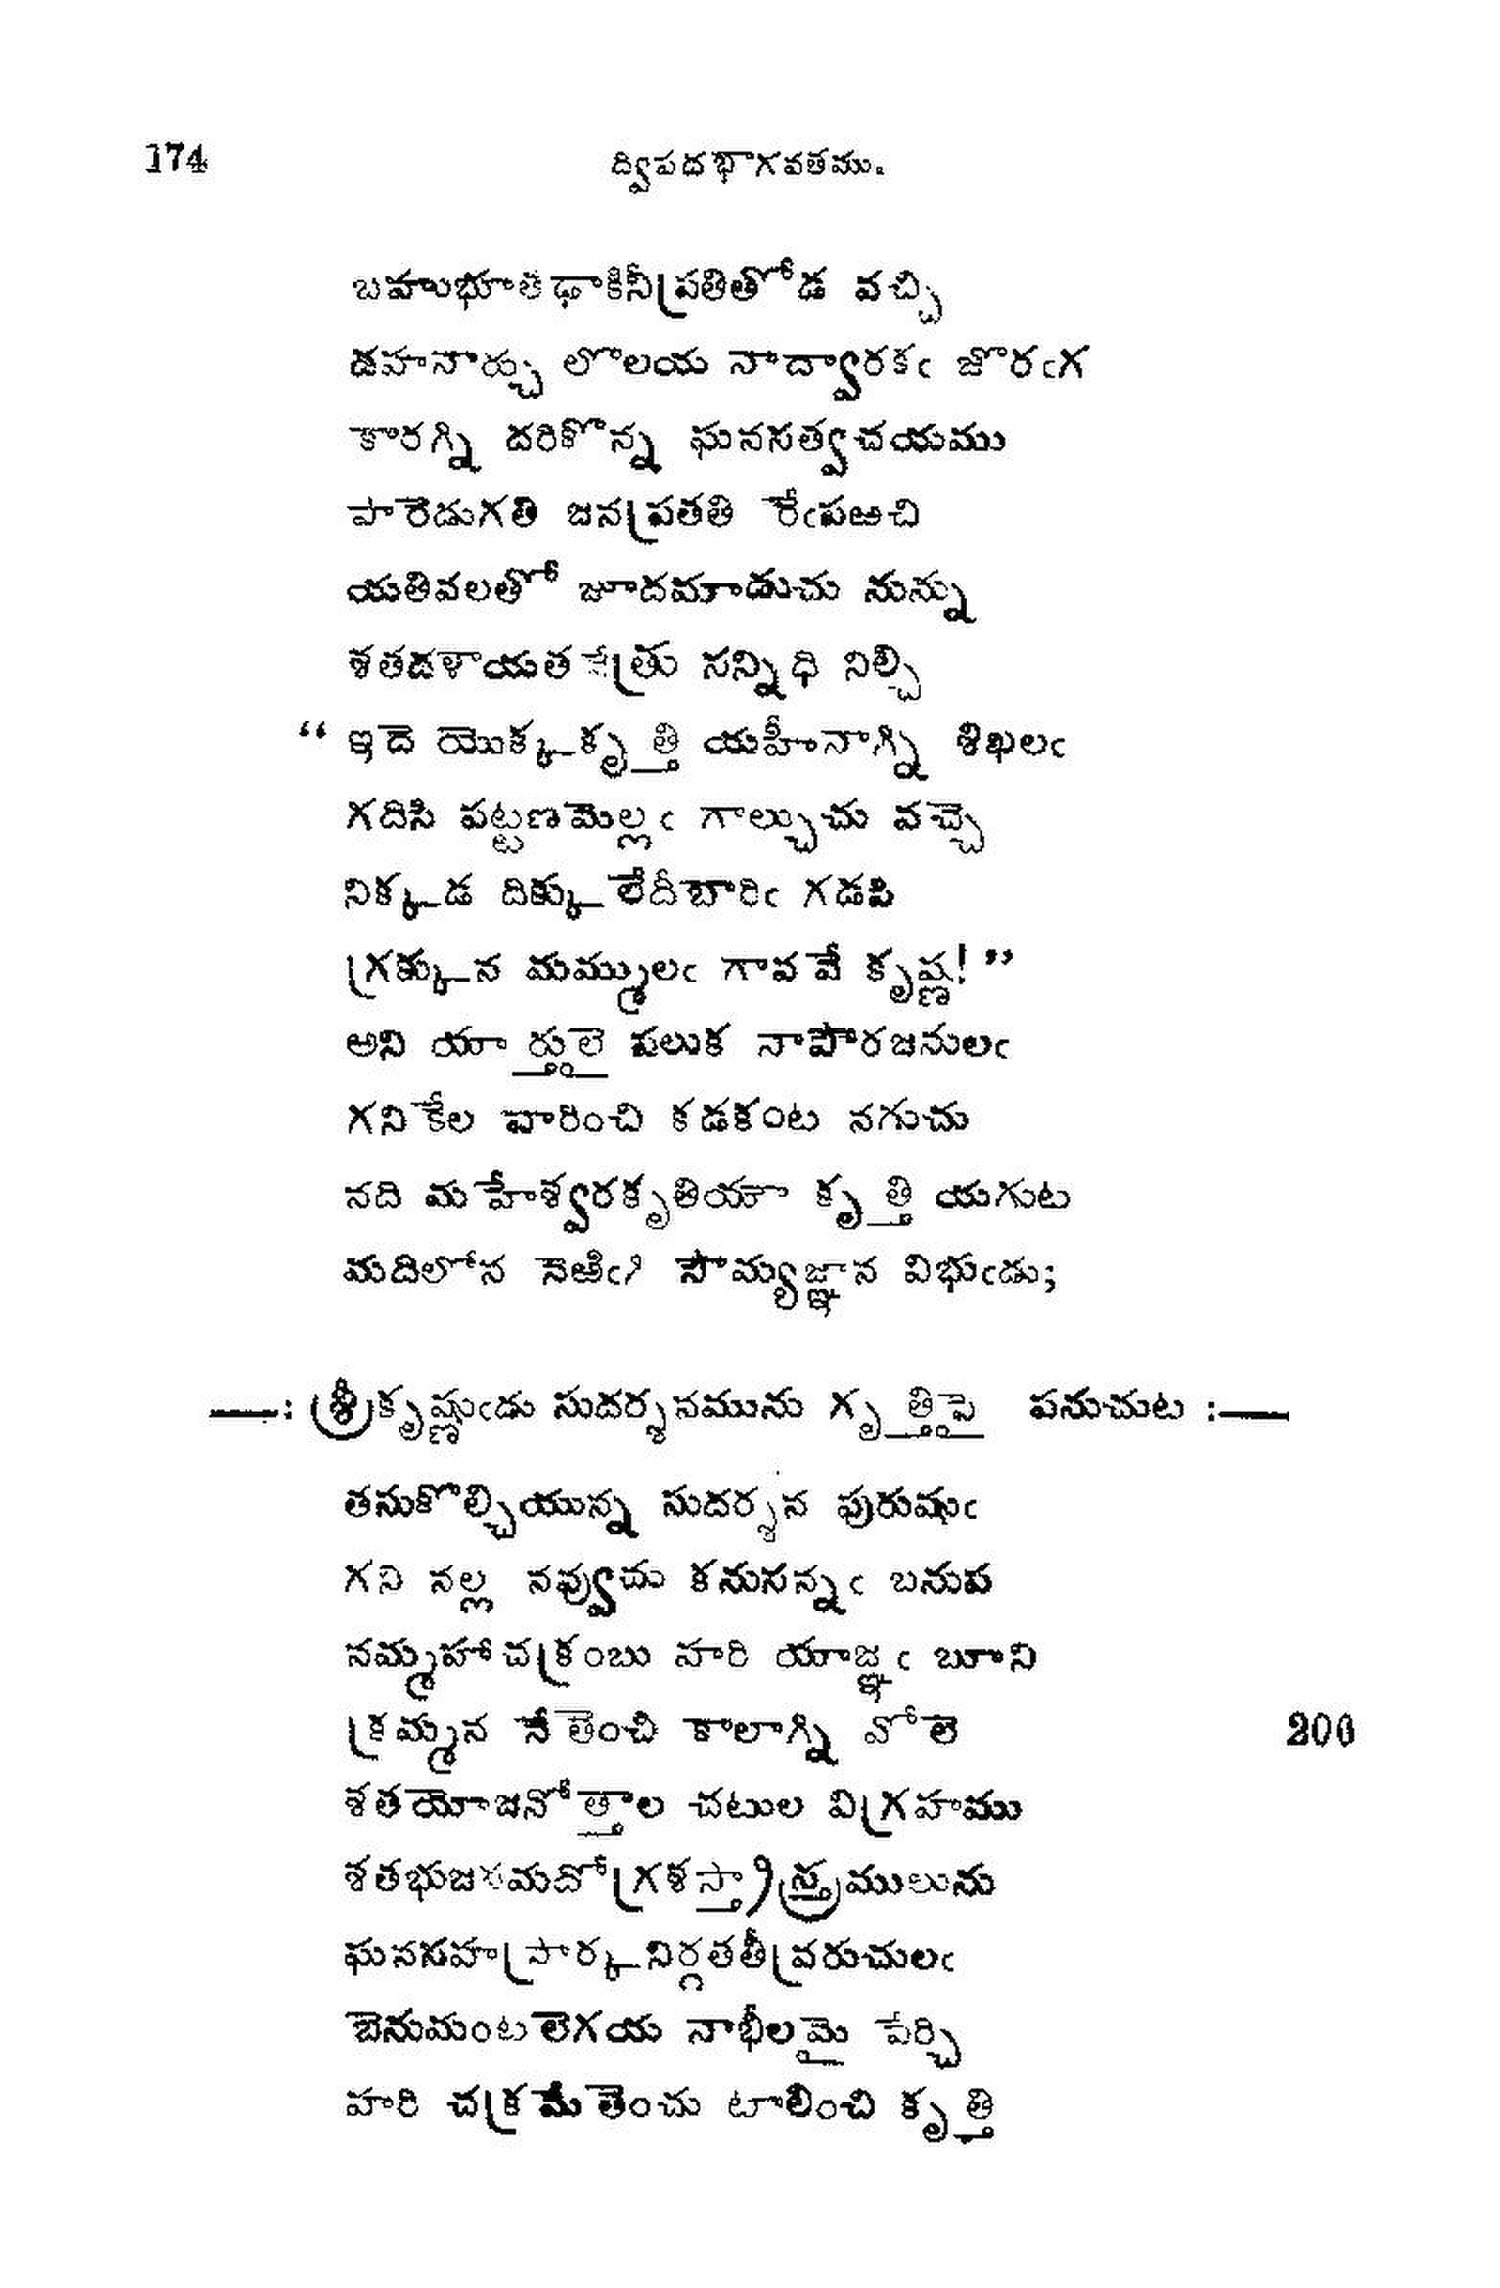బహుభూతఢాకినీప్రతితోడ వచ్చి
దహనార్చు లొలయ నాద్వారకఁ జొరఁగ
కారగ్ని దరికొన్న ఘనసత్వచయము
పారెడుగతి జనప్రతతి రేఁపఱచి
యతివలతో జూదమాడుచు నున్న
శతదళాయతనేత్రు సన్నిధి నిల్చి
“ఇదె యొక్క కృత్తి యహీనాగ్ని శిఖలఁ
గదిసి పట్టణమెల్లఁ గాల్చుచు వచ్చె
నిక్కడ దిక్కులేదీబారిఁ గడపి 
గ్రక్కున మమ్ములఁ గావవే కృష్ణ!” 
అని యార్తులై పలుక నాపౌరజనులఁ
గనికేల వారించి కడకంట నగుచు
యది మహేశ్వరకృతియౌ కృత్తి యగుట
మదిలోన నెఱిఁగి సౌమ్యజ్ఞాన విభుఁడు;

తనుకొల్చియున్న సుదర్శన పురుషుఁ
గని నల్ల నవ్వుచు కనుసన్నఁ బనుప
నమ్మహాచక్రంబు హరి యాజ్ఞఁ బూని 
క్రమ్మన నేతెంచి కాలాగ్ని వోలె 
శతయోజనోత్తాల చటుల విగ్రహము
శతభుజసమదోగ్రశస్త్రాస్త్రములును
ఘనసహస్రార్కనిర్గత తీవ్రరుచులఁ
బెనుమంటలెగయ నాభీలమై పేర్చి
హరి చక్రమేతెంచు టాలించి కృత్తి